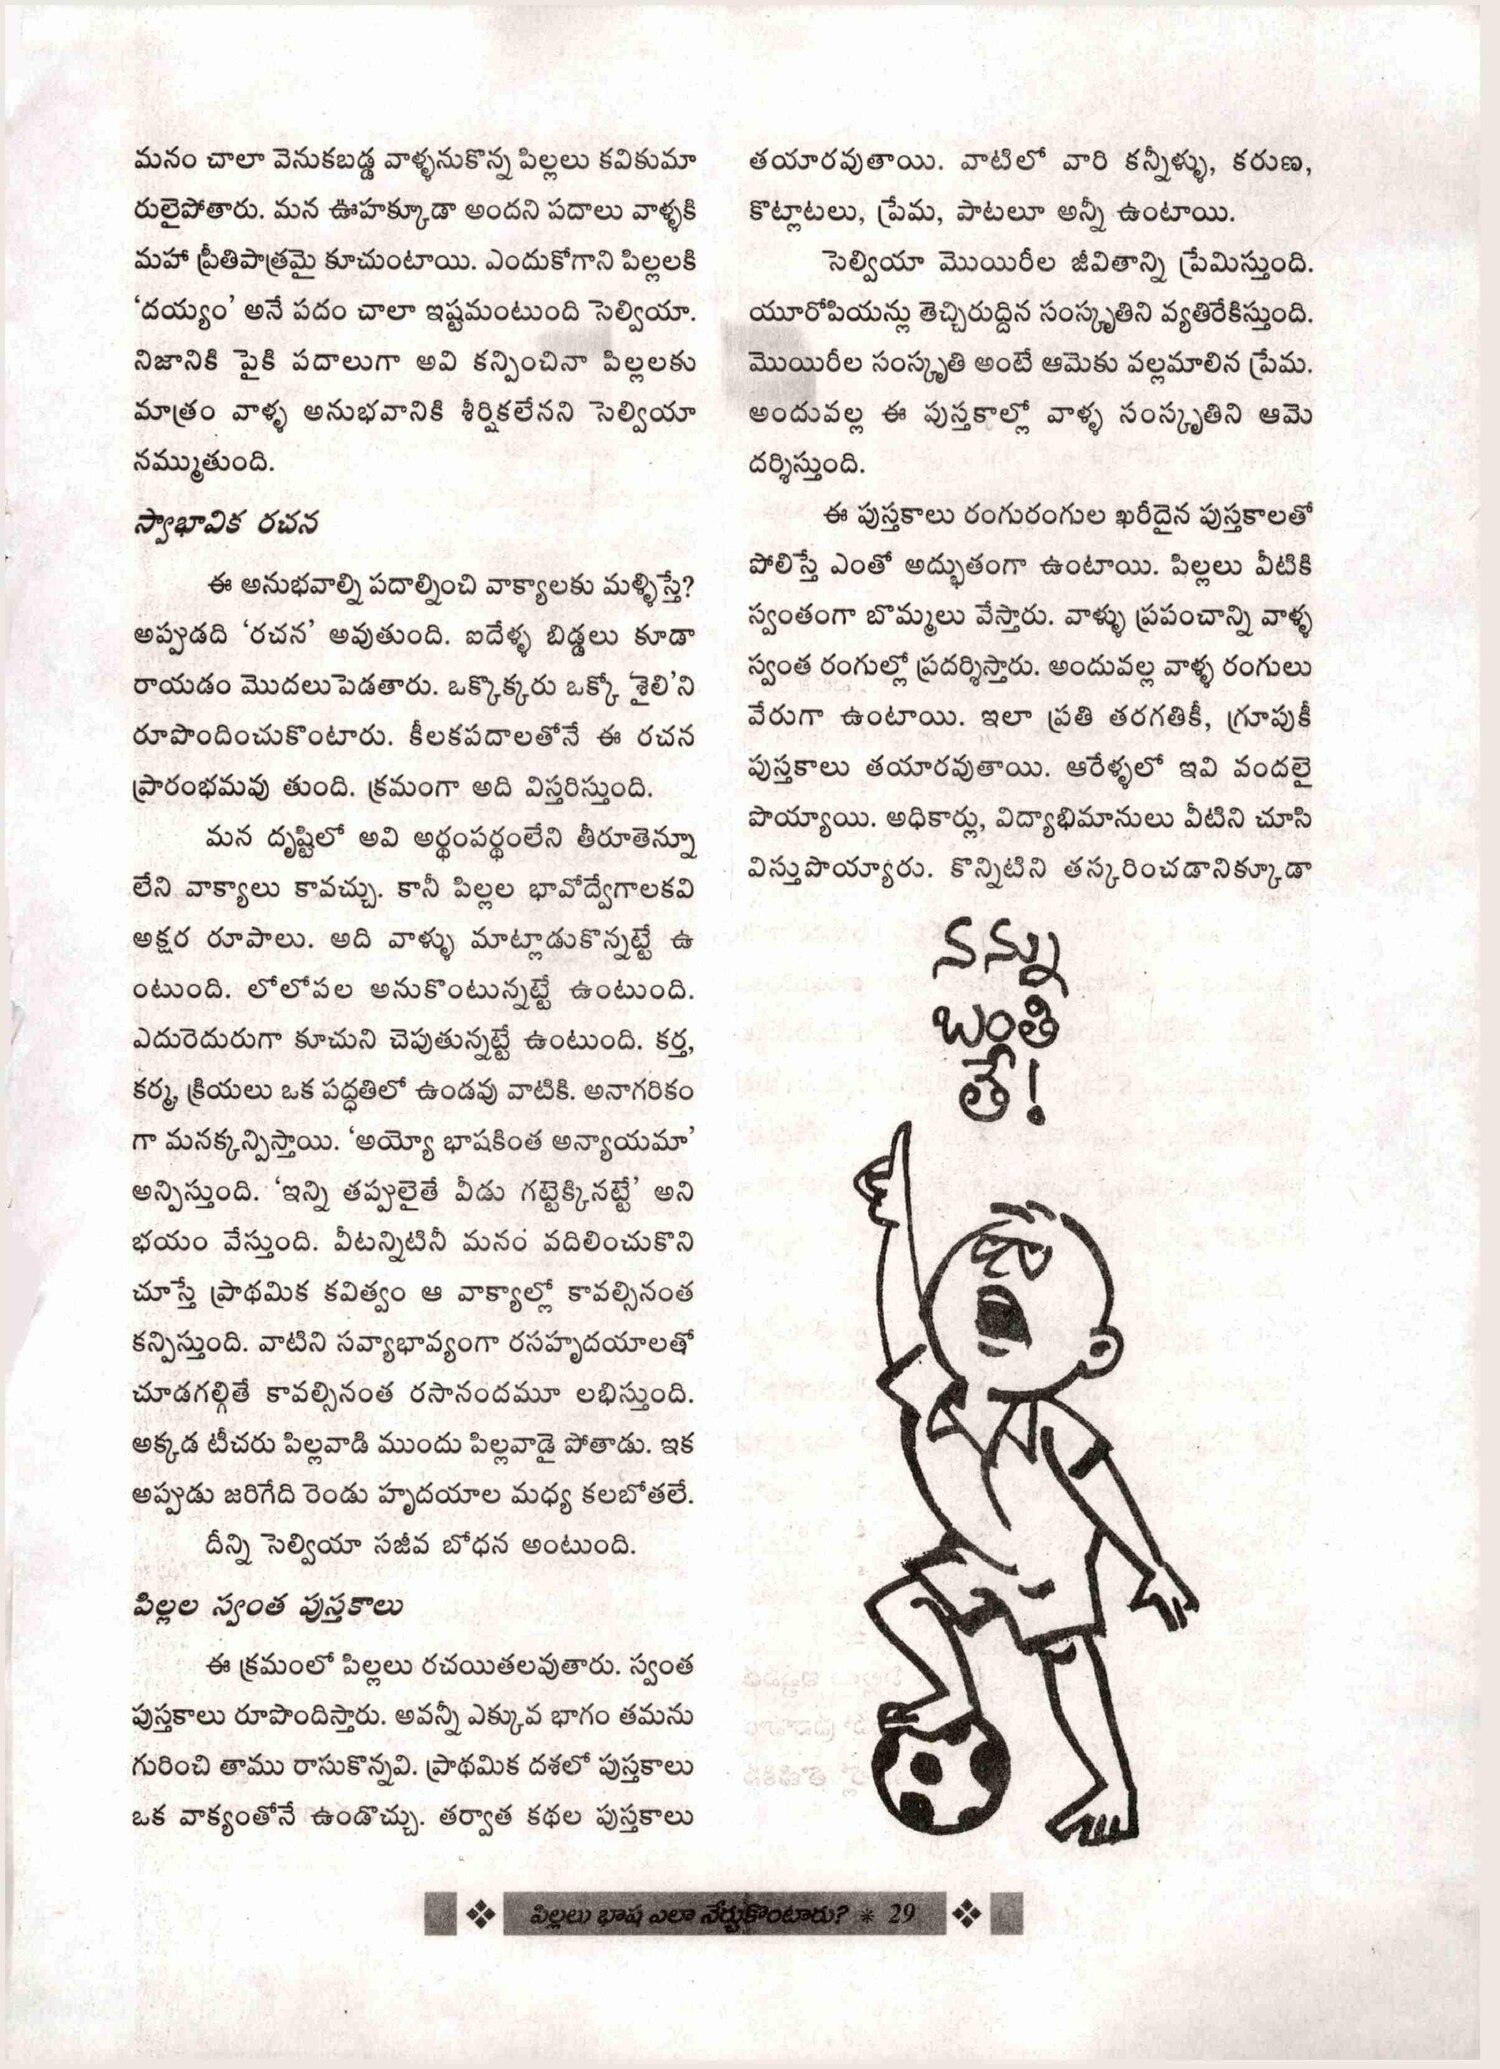మనం చాలా వెనుకబడ్డ వాళ్ళనుకొన్న పిల్లలు కవికుమారులైపోతారు. మన ఊహక్కూడా అందని పదాలు వాళ్ళకి
మహా ప్రీతిపాత్రమై కూచుంటాయి. ఎందుకోగాని పిల్లలకి 'దయ్యం' అనే పదం చాలా ఇష్టమంటుంది సెల్వియా.
నిజానికి పైకి పదాలుగా అవి కన్పించినా పిల్లలకు మాత్రం వాళ్ళ అనుభవానికి శీర్షికలేనని సెల్వియా నమ్ముతుంది.

స్వాభావిక రచన

ఈ అనుభవాల్ని పదాల్నించి వాక్యాలకు మళ్ళిస్తే? అప్పుడది 'రచన' అవుతుంది. ఐదేళ్ళ బిడ్డలు కూడా రాయడం మొదలుపెడతారు. ఒక్కొక్కరు ఒక్కో 'శైలి'ని రూపొందించుకొంటారు. కీలకపదాలతోనే ఈ రచన ప్రారంభమవు తుంది. క్రమంగా అది విస్తరిస్తుంది.

మన దృష్టిలో అవి అర్థంపర్థంలేని తీరూతెన్నూలేని వాక్యాలు కావచ్చు. కానీ పిల్లల భావోద్వేగాలకవి అక్షర రూపాలు. అది వాళ్ళు మాట్లాడుకొన్నట్టే ఉంటుంది. లోలోపల అనుకొంటున్నట్టే ఉంటుంది. ఎదురెదురుగా కూచుని చెపుతున్నట్టే ఉంటుంది. కర్త, కర్మ, క్రియలు ఒక పద్ధతిలో ఉండవు వాటికి. అనాగరికం గా మనక్కన్పిస్తాయి. 'అయ్యో భాషకింత అన్యాయమా' అన్పిస్తుంది. 'ఇన్ని తప్పులైతే వీడు గట్టెక్కినట్టే' అని భయం వేస్తుంది. వీటన్నిటినీ మనం వదిలించుకొని చూస్తే ప్రాథమిక కవిత్వం ఆ వాక్యాల్లో కావల్సినంత కన్పిస్తుంది. వాటిని సవ్యాభావ్యంగా రసహృదయాలతో చూడగల్గితే కావల్సినంత రసానందమూ లభిస్తుంది. అక్కడ టీచరు పిల్లవాడి ముందు పిల్లవాడై పోతాడు. ఇక అప్పుడు జరిగేది రెండు హృదయాల మధ్య కలబోతలే.

దీన్ని సెల్వియా సజీవ బోధన అంటుంది.

పిల్లల స్వంత పుస్తకాలు

ఈ క్రమంలో పిల్లలు రచయితలవుతారు. స్వంతపుస్తకాలు రూపొందిస్తారు. అవన్నీ ఎక్కువ భాగం తమను గురించి తాము రాసుకొన్నవి. ప్రాథమిక దశలో పుస్తకాలు ఒక వాక్యంతోనే ఉండొచ్చు. తర్వాత కథల పుస్తకాలు తయారవుతాయి. వాటిలో వారి కన్నీళ్ళు, కరుణ, కొట్లాటలు, ప్రేమ, పాటలూ అన్నీ ఉంటాయి.

సెల్వియా మొయిరీల జీవితాన్ని ప్రేమిస్తుంది. యూరోపియన్లు తెచ్చిరుద్దిన సంస్కృతిని వ్యతిరేకిస్తుంది. మొయిరీల సంస్కృతి అంటే ఆమెకు వల్లమాలిన ప్రేమ. అందువల్ల ఈ పుస్తకాల్లో వాళ్ళ సంస్కృతిని ఆమె దర్శిస్తుంది.

ఈ పుస్తకాలు రంగురంగుల ఖరీదైన పుస్తకాలతో పోలిస్తే ఎంతో అద్భుతంగా ఉంటాయి. పిల్లలు వీటికి స్వంతంగా బొమ్మలు వేస్తారు. వాళ్ళు ప్రపంచాన్ని వాళ్ళ స్వంత రంగుల్లో ప్రదర్శిస్తారు. అందువల్ల వాళ్ళ రంగులు వేరుగా ఉంటాయి. ఇలా ప్రతి తరగతికీ, గ్రూపుకీ పుస్తకాలు తయారవుతాయి. ఆరేళ్ళలో ఇవి వందలై పొయ్యాయి. అధికార్లు, విద్యాభిమానులు వీటిని చూసి విస్తుపొయ్యారు. కొన్నిటిని తస్కరించడానిక్కూడా